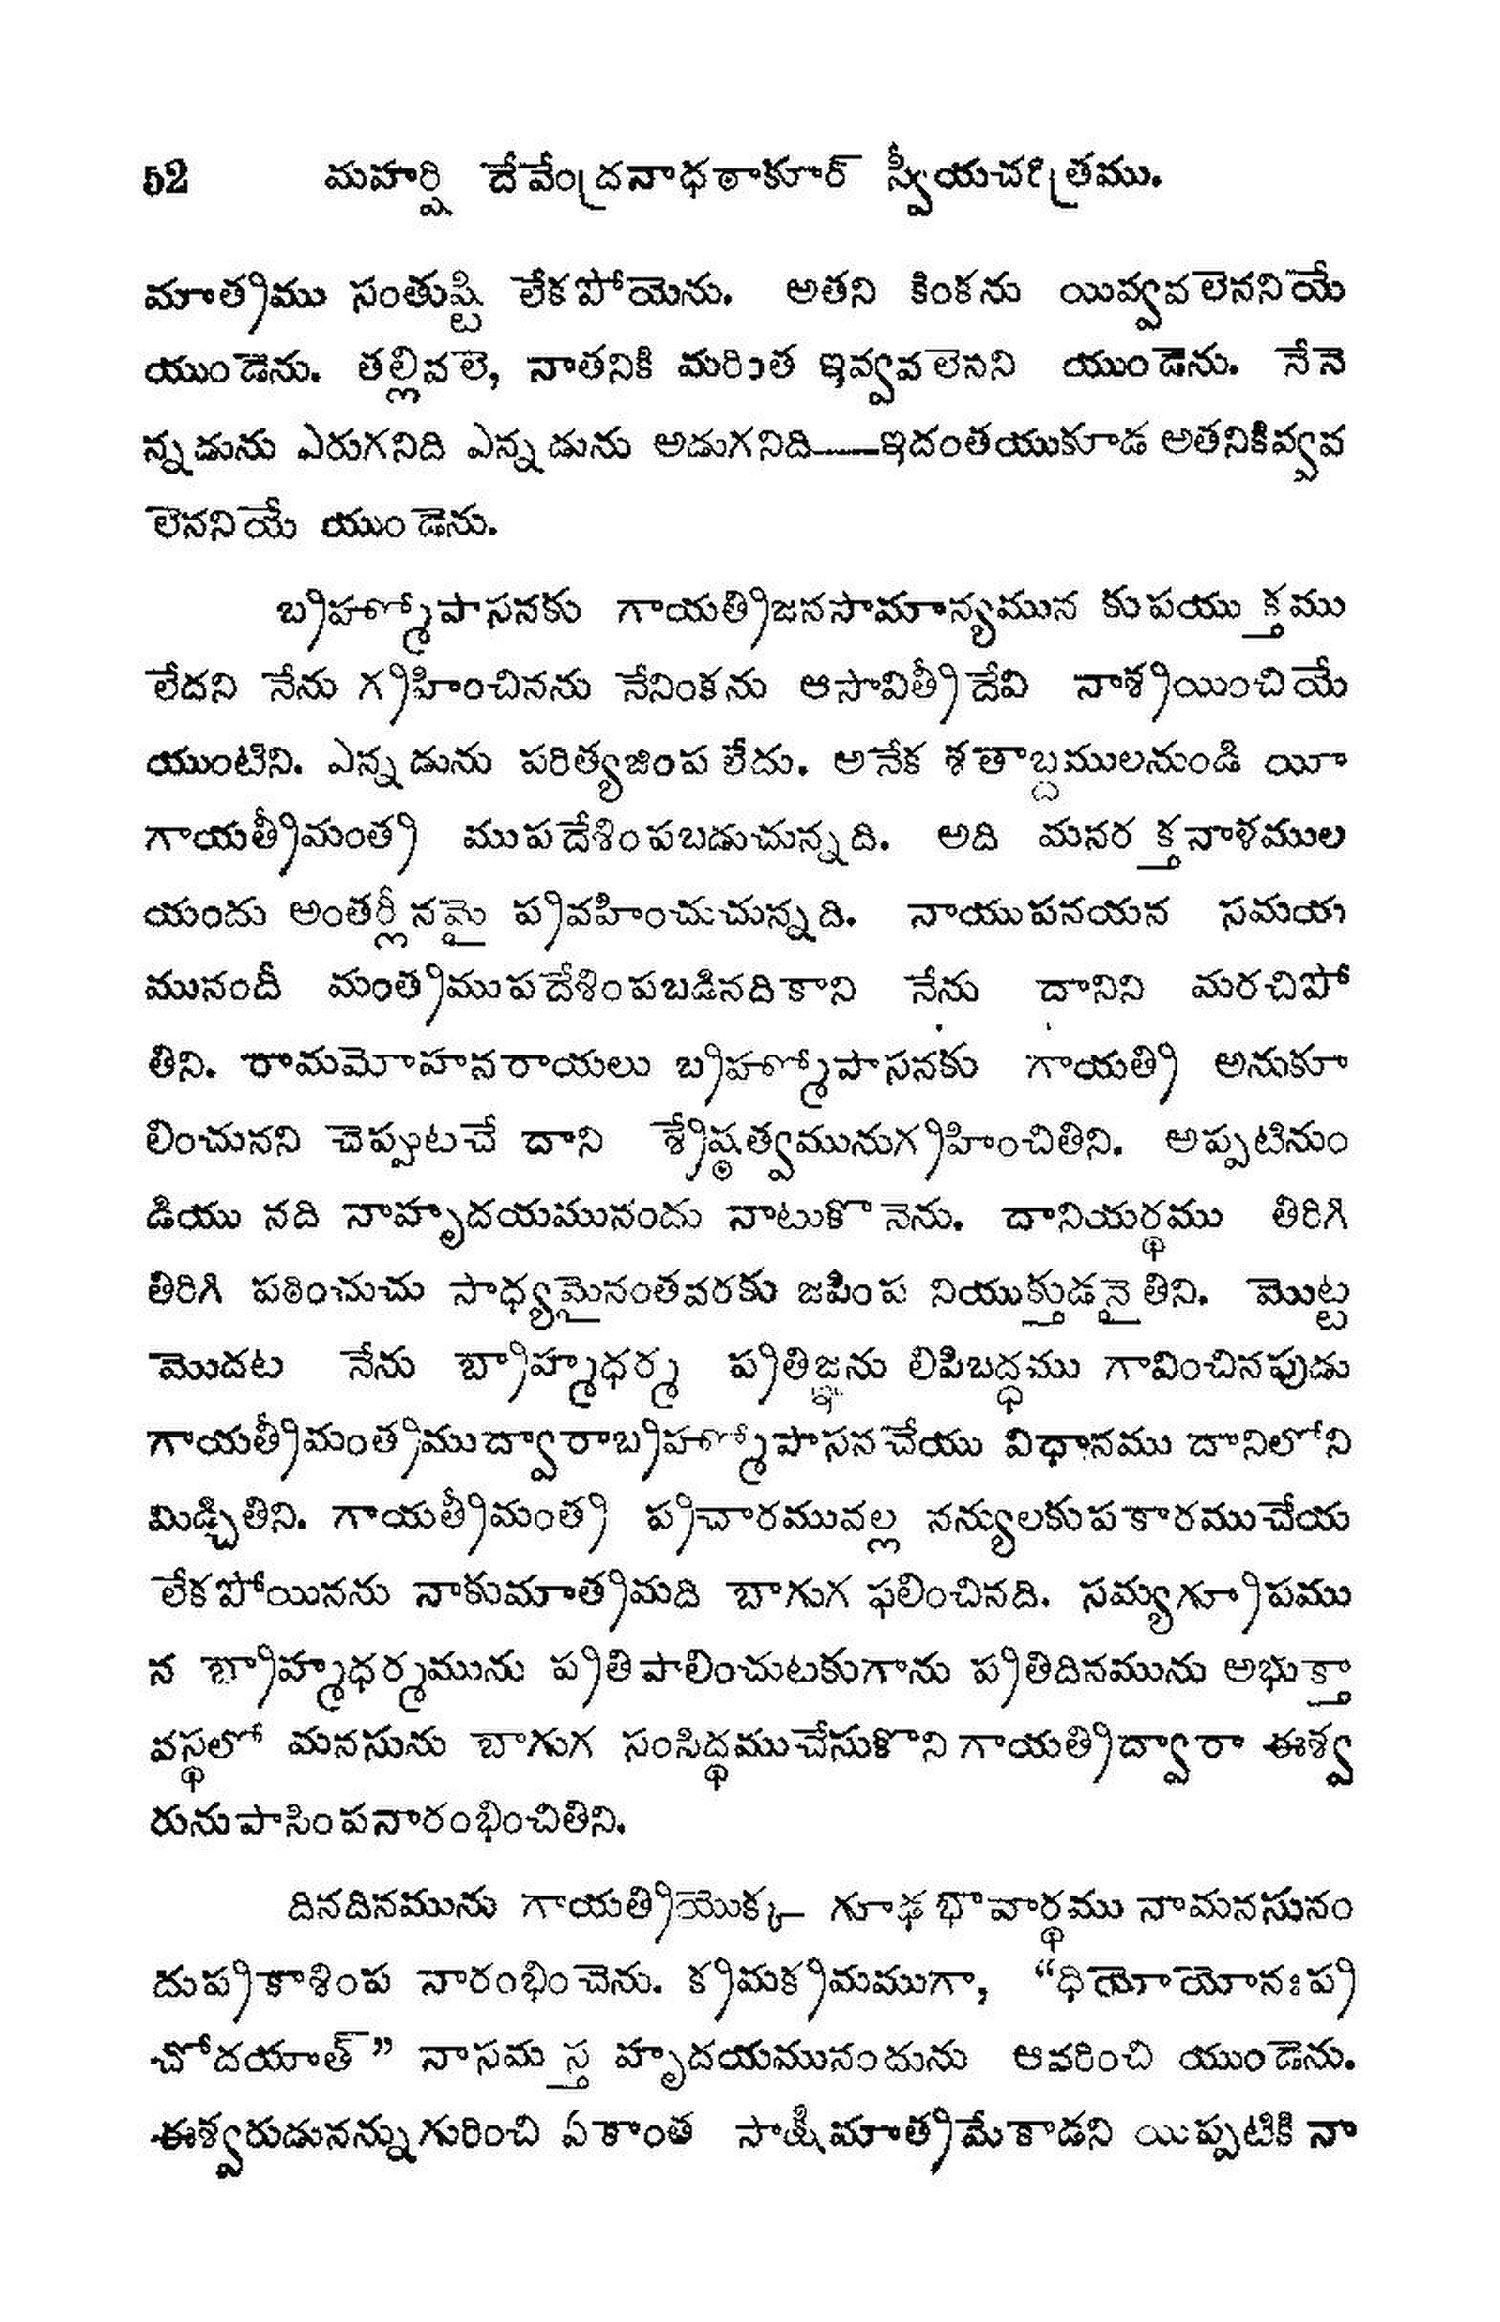మాత్రము సంతుష్టి లేక పోయెను. అతని కింకను యివ్వవలెననియే
యుండెను. తల్లివలె, నాతనికి మర్పిత ఇవ్వవలెనని యుండెను. నేనె
న్నడును ఎరుగనిది ఎన్నడును అడుగనిది....ఇదంతయు కూడ అతనికి వ్వవ
లెననియే యుండెను.

బ్రహ్మోపాసనకు గాయత్రి జనసామాన్యమున కుపయుక్తము లేదని 'నేను గహించినను నేనింకను ఆసావిత్రి దేవి నాశ్రయించి యేయుంటిని, ఎన్నడును పరిత్యజింప లేదు. అనేక శతాబ్దములనుండి గాయత్రీమంత్రముపదేశింపబడుచున్నది. అది మనరక్తనాళముల యందు అంతర్లీనమై ప్రవహించుచున్నది. నాయుపనయన సమయమునందీ మంత్రముపదేశింపబడినది కాని నేను దానిని మరచిపోతిని. రామమోహన రాయలు బ్రహ్మోపాసనకు గాయత్రి అనుకూలించునని చెప్పుటచే దాని శ్రేష్ఠత్వమునుగ హించితిని. అప్పటి నుండియు నది నాహృదయము నందు నాటుకొనెను. దానియర్థముతిరిగి తిరిగి పఠించుచు సాధ్యమైనంతవరకు జపింప నియుక్తుడనైతిని, మొట్ట మొదటనేను బాహ్మధర్మ ప్రతిజ్ఞను లిపిబద్ధము గావించి 
నపుడు గాయత్రీమంత్రము ద్వారాబాహ్మోపాసన చేయు విధానము దానిలోని
మీడ్చితిని. గాయత్రి మంత్ర ప్రచారమువల్ల నన్యులకు పకారము చేయ
లేక పోయినను నాకుమాత్ర మది బాగుగ ఫలించినది. సమ్యగ్రూపము
బాహ్మధర్మమును ప్రతిపాలించుటకుగాను ప్రతిదినమును అభుక్తా
వస్థలో మనసును బాగుగ సంసిద్ధము చేసుకొని గాయత్రి ద్వారా ఈశ్వ
రునుపాసింప నారంభించితిని.

దినదినమును గాయత్రి యొక్క గూఢ భౌహార్థము సౌమనసునం
దుప్రకాశింప నారంభించెను. క్రమక్రమముగా, “ధియోయోనః ప్ర
చోదయాత్ ” నాసమస్త హృదయమునందును ఆవరించి యుండెను.
ఈశ్వరుడు నన్ను గురించి ఏకాంత సాక్షి మాత్రమే కాడని యిప్పటికి నా